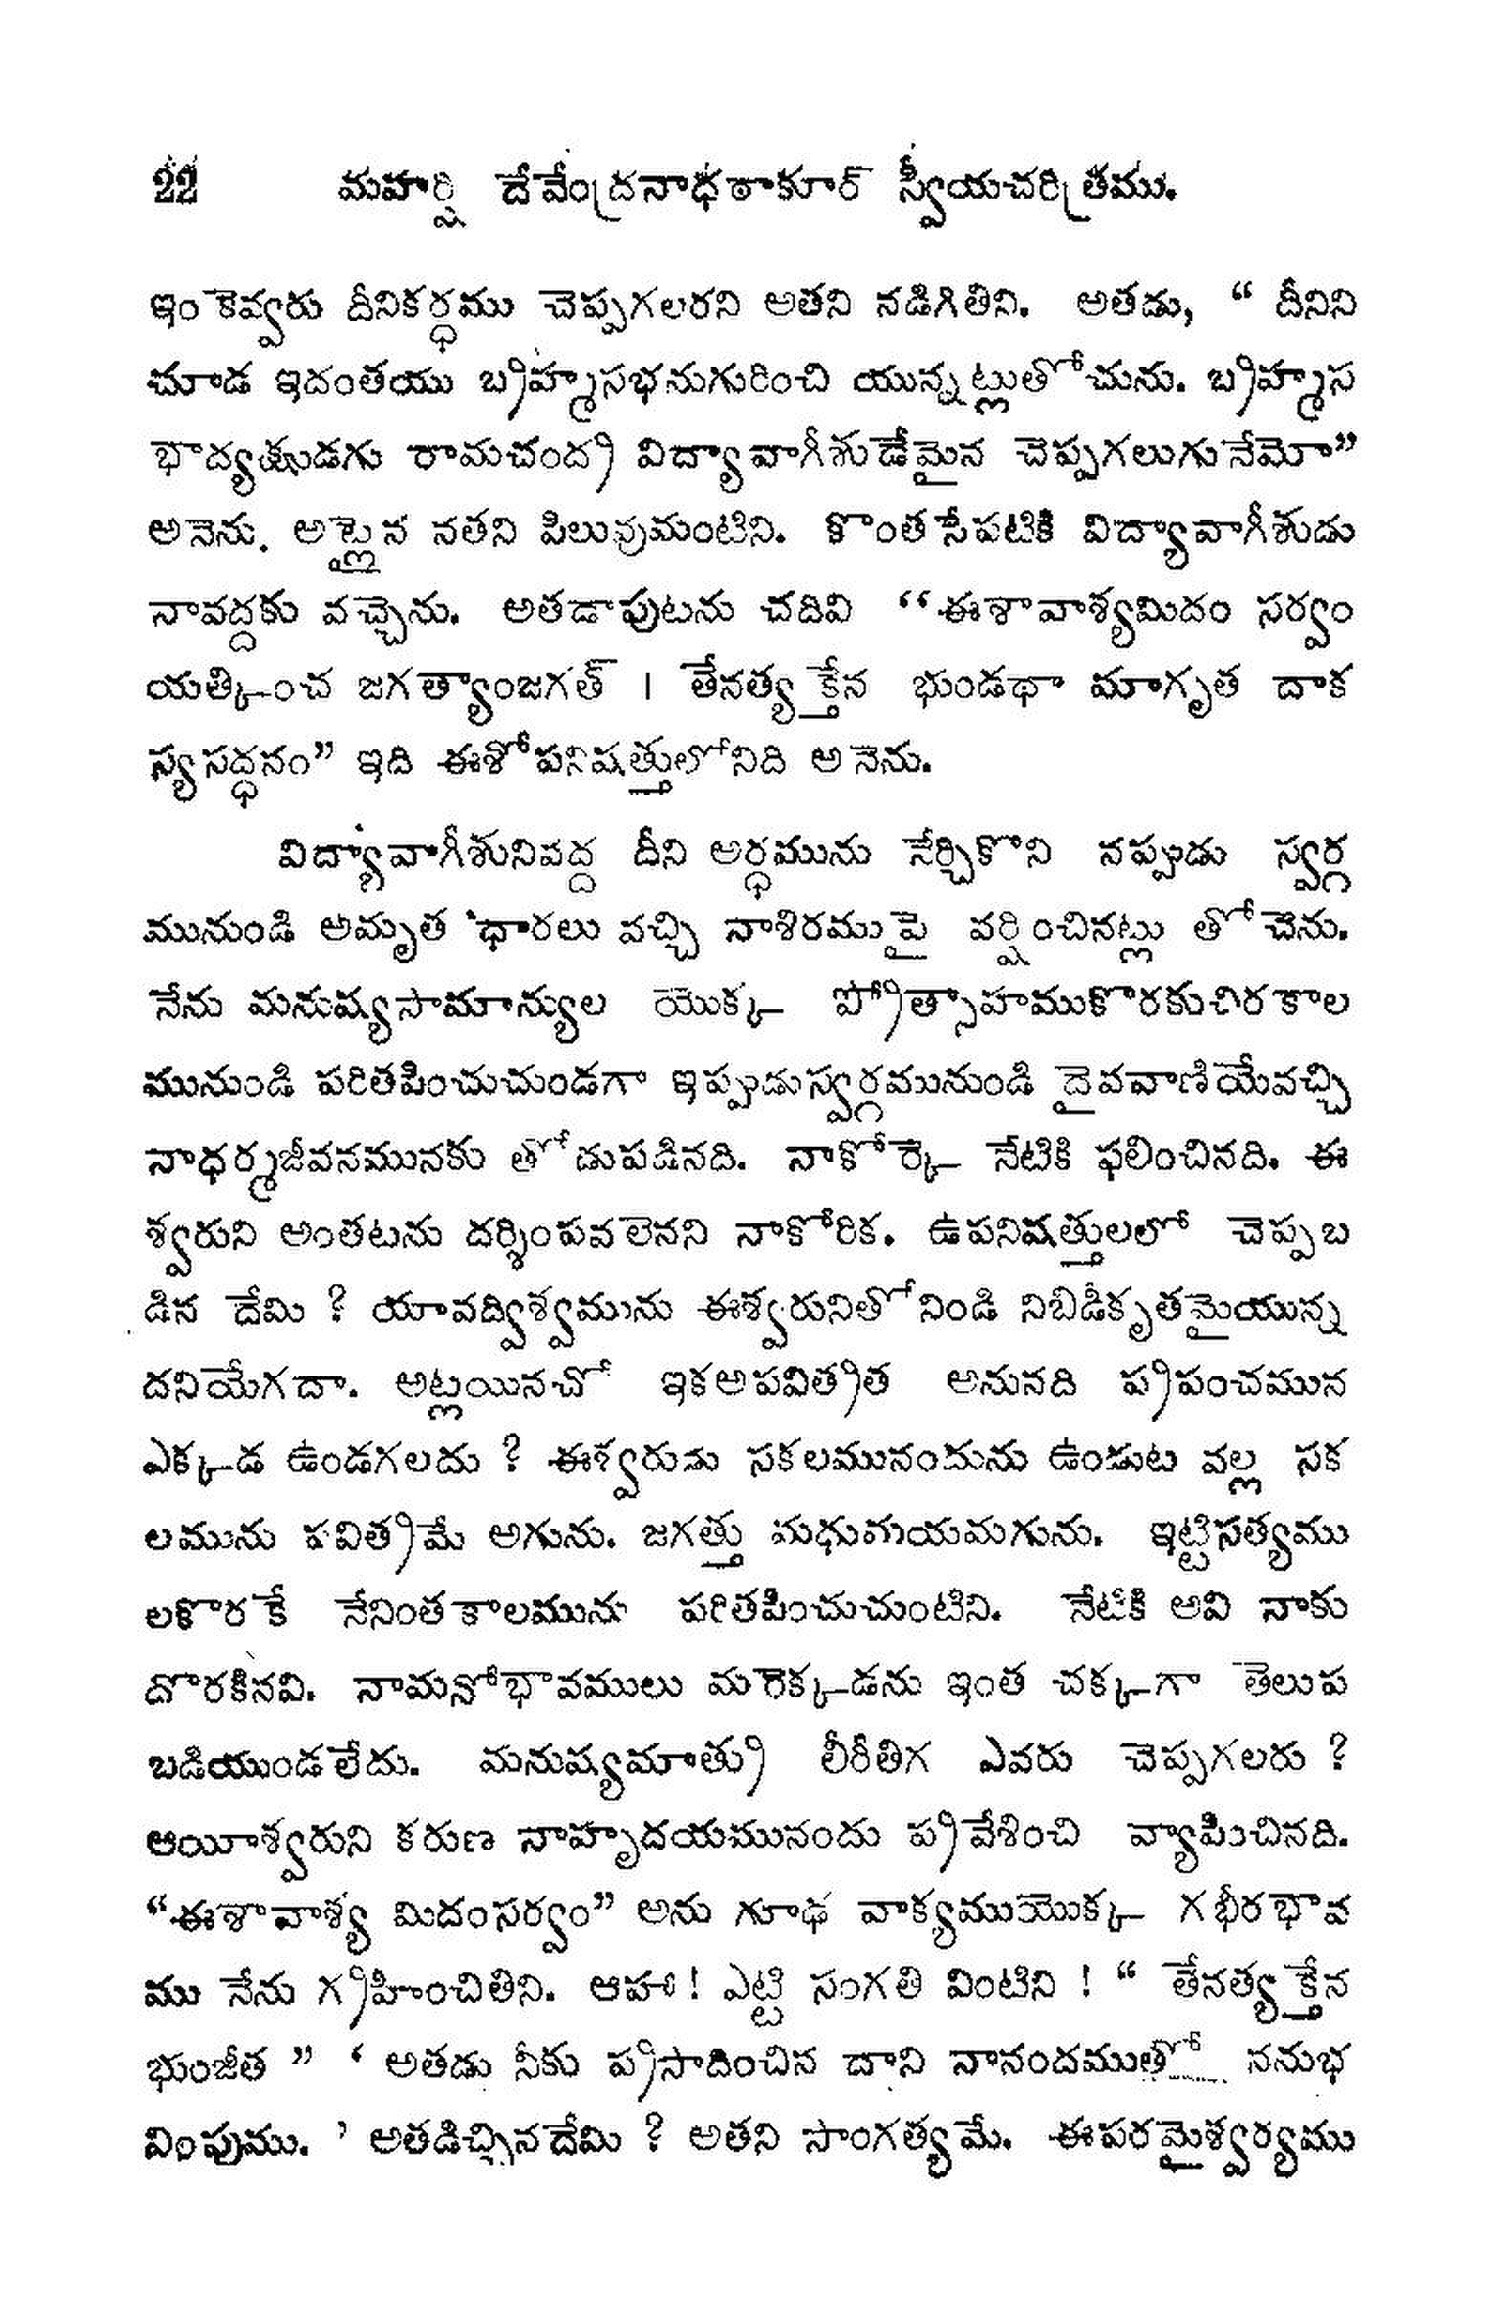ఇంకెవ్వరు దీనికర్దము చెప్పగలరని అతని నడిగితిని. అతడు, " దీనిని చూడ ఇదంతయు బ్రహ్మసభను గురించి యున్నట్లు తోచును. బ్రహ్మస భాద్యక్షుడగు రామచంద్ర విద్యా వాగీశుడేమైన చెప్పగలుగు నేమో” అనెను. అట్లైన నతని పిలువు మంటిని. కొంత సేపటికి విద్యా వాగీశుడు నావద్దకు వచ్చెను. అతడా పుటను చదివి " ఈశావాశ్యమిదం సర్వం యత్కించ జగత్యాంజగత్ | తేనత్య కేస భుండథా మాగృత దాక స్య సద్ధసం” ఇది ఈశోపనిషత్తులోనిది అనెను. 

విద్యా వాగీశునివద్ద దీని అర్ధమును నేర్చికొని నప్పుడు స్వర్గమునుండి అమృత 'ధారలు వచ్చి నాశిరముపై వర్షించినట్లు తోచెను. నేను మనుష్య సామాన్యుల యొక్క ప్రోత్సాహము కొరకు చిరకాల మునుండి పరితపించుచుండగా ఇప్పుడు స్వరమునుండి దైవవాణి యేవచ్చి నాధర్శజీవనమునకు తోడుపడినది. నాకోర్కె నేటికి ఫలించినది. ఈ శ్వరుని అంతటను దర్శింపవలెనని నాకోరిక. ఉపనిషత్తులలో చెప్పబడిన దేమి ? యావద్విశ్వమును ఈశ్వరునితో నిండి నిబిడీకృతమైయున్న దనియేగదా. అట్లయినచో ఇక ఆ పవిత్రత అనునది ప్రపంచమున ఎక్కడ ఉండగలదు ? ఈశ్వరును సకలమునందును ఉండుట వల్ల సకలమును పవిత్రమే అగును. జగత్తు మధుమయమగును. ఇట్టి సత్యముల కొరకే నేనింత కాలమును పరితపించు చుంటిని. నేటికి అవి నాకు దొరకినవి. నా మనోభావములు మరెక్కడను ఇంత చక్కగా తెలుప బడియుండ లేదు. మనుష్యమాత్రు లీరీతిగ ఎవరు చెప్పగలరు ? ఆయీశ్వరుని కరుణ నాహృదయమునందు ప్రవేశించి వ్యాపించినది. "ఈశావాశ్యం మిదం సర్వం” అను గూఢ వాక్యము యొక్క గంభీర భావము నేను గ్రహించితిని. ఆహా ! ఎట్టి సంగతి వింటిని ! " తేనత్వ కేన భుంజీత ” “ అతడు నీకు ప్రసాదించిన దాని నానందముతో ననుభ వింపుము. ” అతడిచ్చిన దేమి ? అతని సాంగత్యమే. ఈ పరమైశ్వర్యము